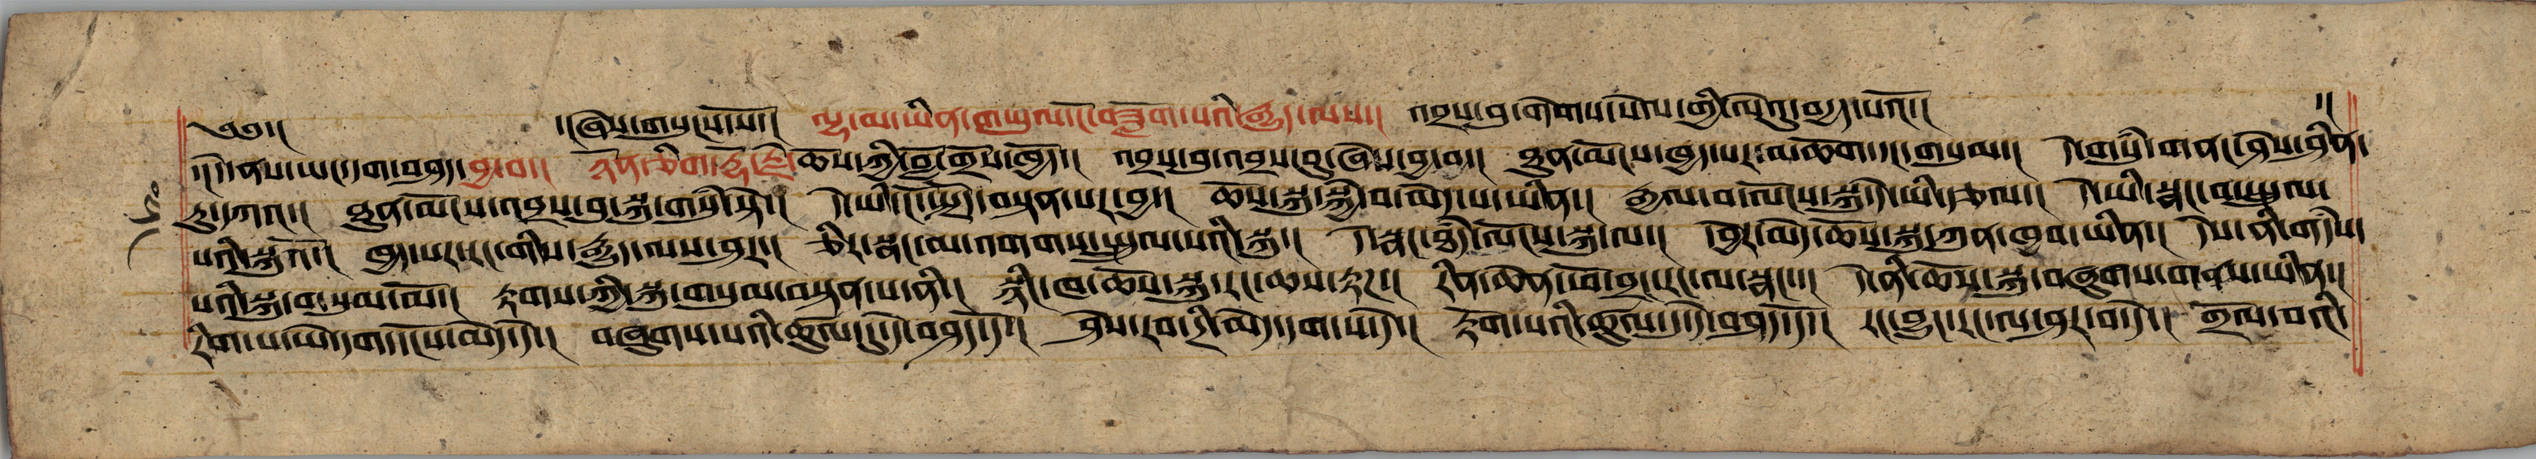༄༅་། ་།ཞེས་གསུངས་སོ་། ལྷ་མ་ཡིན་གཡུལ་ངོ་བཟློག་པའི་རྒྱུད་ལས་། འབྲས་བུ་གེགས་སེལ་གྱི་ལེའུ་བདྱད་པའོ་།
་།དེ་ནས་ཡང་དག་བཤད་བྱ་བ་། ཉོན་ཅིག་རྡོ་རྗེ་ཆོས་ཀྱི་བློ་གྲོས་ཁྱོད་། འབྲས་བུ་འབྲས་བུ་ཞེས་བྱ་བ་། ཐུན་མོངས་ཁྱད་པར་མཆོག་དང་གསུམ་། དེ་གསུཾ་གནང་ཤེས་ཤིན་
ཏུ་དཀའ་། ཐུན་མོངས་འབྲས་བུ་སྐུ་གསུཾ་སྟེ་། དེ་ཡི་ངོ་སྤྲོད་བསྟན་པར་བྱ་། ཆོས་སྐུ་སྐྱེ་བ་མེད་པ་ཡིན་། རྒྱལ་བ་ལོངས་སྐུ་དེ་ཡི་རྩལ་། དེ་ཡི་སྣང་བ་སྤྲུལ་
པའི་སྐུའོ་། ཁྱད་པར་རང་གིས་རྒྱུད་ལས་ཤར་། ཅིར་སྣང་མ་འགགས་སྤྲུལ་པའི་སྐུ་། དེ་སྣང་ཐཾད་ལོངས་སྐུ་ལ་། དབྱེར་མེད་ཆོས་སྐུ་ཀུན་ཁྱབ་ཡིན་། དེས་ནི་གདཾས་
པའི་སྐུ་གསུམ་མོ་། རྟགས་ཀྱི་སྐུ་གསུམ་བསྟན་པ་ནི་། སྙིང་ཁ་ཆོས་སྐུ་རང་ཆས་རྟཌ་། རིན་ཆེན་ཕོ་བྲང་རང་ལ་སྣང་་། དེ་ནི་ཆོས་སྐུ་བཞུགས་གནས་ཡིན་།
རིག་པ་ཡེ་དག་དངོས་མེད་དེ་། བཞུགས་པའི་ཚུལ་དུ་དེ་བཤད་དོ་། ཤེས་རབ་དྲི་མེད་དག་པ་དེ་། རྟོག་པའི་ཚུལ་དུ་དེ་བཤད་དོ་། རང་བྱུང་རང་ལ་ཤར་བ་དེ་། གྲོལ་བའི་